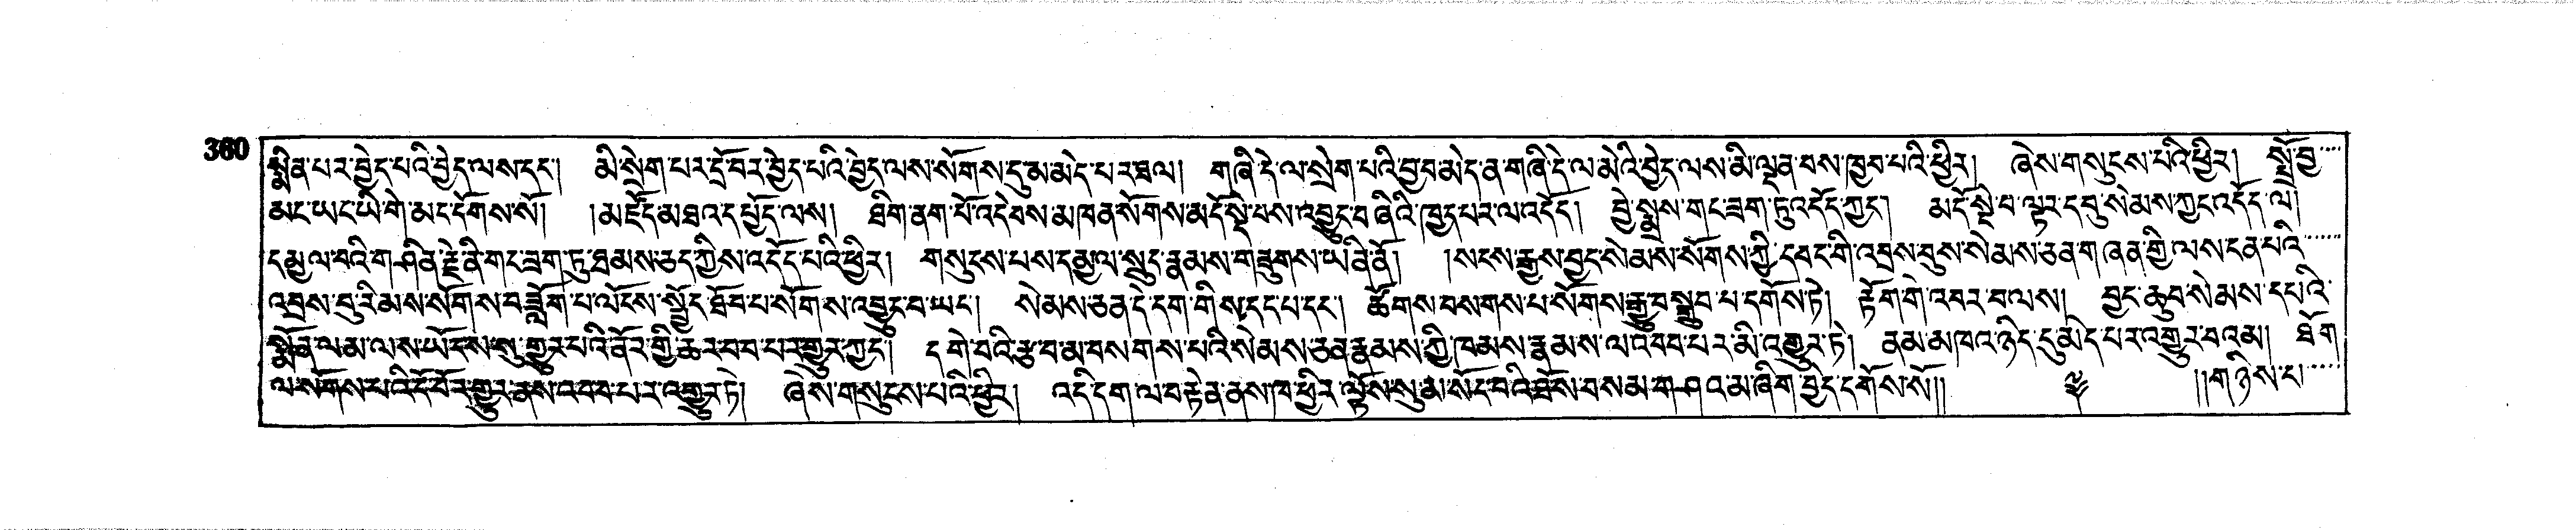སྨིན་པར་བྱེད་པའི་བྱེད་ལས་དང་། མི་སྲེག་པར་དྲོ་བར་བྱེད་པའི་བྱེད་ལས་སོགས་དུ་མ་མེད་པར་ཐལ། གཞི་དེ་ལ་སྲེག་པའི་བྱ་བ་མེད་ན་གཞི་དེ་ལ་མེའི་བྱེད་ལས་མི་ལྡན་པས་ཁྱབ་པའི་ཕྱིར། ཞེས་གསུངས་པའི་ཕྱིར། སྤྲོ་བྱ་
མང་ཡང་ཡི་གེ་མང་དོགས་སོ། །མཛོད་མཐའ་དཔྱོད་ལས། ཐིག་ནག་པོ་འདེབས་མཁན་སོགས་མདོ་སྡེ་པས་འབྱུང་བཞིའི་ཁྱད་པར་ལ་འདོད། བྱེ་སྨྲས་གང་ཟག་ཏུ་འདོད་ཀྱང་། མདོ་སྡེ་པ་ལྟར་དབུ་སེམས་ཀྱང་འདོད་ལ།
དམྱལ་བའི་གཤིན་རྗེ་ནི་གང་ཟག་ཏུ་ཐམས་ཅད་ཀྱིས་འདོད་པའི་ཕྱིར། གསུངས་པས་དམྱལ་སྲུང་རྣམས་གཟུགས་ཡིན་ནོ། །སངས་རྒྱས་བྱང་སེམས་སོགས་ཀྱི་དབང་གི་འབྲས་བུས་སེམས་ཅན་གཞན་གྱི་ལས་ངན་པའི་
འབྲས་བུ་རིམས་སོགས་བཟློག་པ་ལོངས་སྤྱོད་ཐོབ་པ་སོགས་འབྱུང་བ་ཡང་། སེམས་ཅན་དེ་དག་གིས་དད་པ་དང་། ཚོགས་བསགས་པ་སོགས་རྒྱུ་བསྒྲུབ་པ་དགོས་ཏེ། རྟོག་གེ་འབར་བ་ལས། བྱང་ཆུབ་སེམས་དཔའི་
སྨོན་ལམ་ལས་ཡོངས་སུ་གྱུར་པའི་ནོར་གྱི་ཆར་བབ་པར་གྱུར་ཀྱང་། དགེ་བའི་རྩ་བ་མ་བསགས་པའི་སེམས་ཅན་རྣམས་ཀྱི་ཁམས་རྣམས་ལ་འབབ་པར་མི་འགྱུར་ཏེ། ནམ་མཁའ་ཉིད་དུ་མེད་པར་འགྱུར་བའམ། ཐོག་
ལ་སོགས་པའི་ངོ་བོར་གྱུར་ནས་འབབ་པར་འགྱུར་ཏེ། ཞེས་གསུངས་པའི་ཕྱིར། འདི་དག་ལ་བརྟེན་ནས་ཁ་ཕྱིར་ལྟོས་སུ་མ་སོང་བའི་ཐོས་བསམ་གཤའ་མ་ཞིག་བྱེད་དགོས་སོ།། ༈ །།གཉིས་པ་